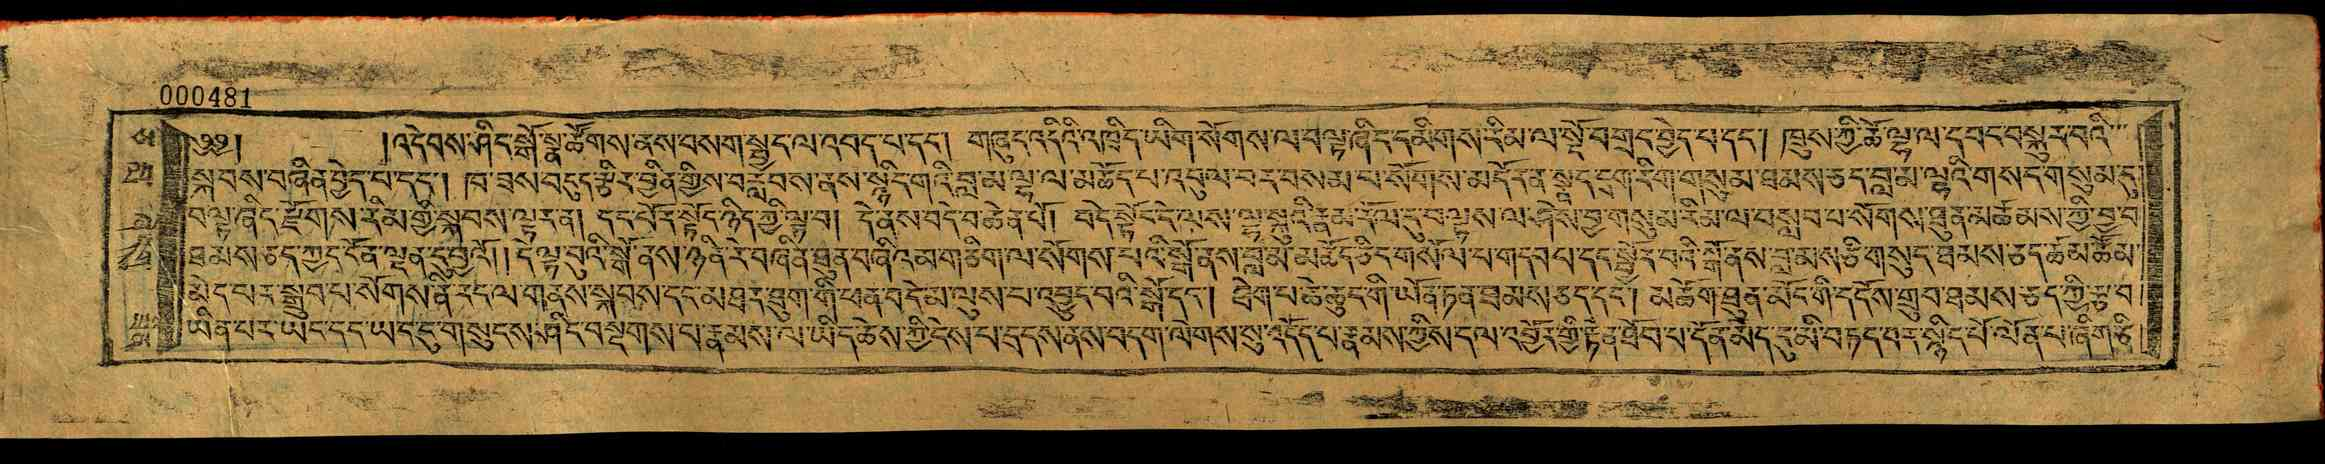༄༅། །འདེབས་ཤིང་སྒོ་སྣ་ཚོགས་ནས་བསག་སྦྱང་ལ་འབད་པ་དང་། གཞུང་འདིའི་འཁྲིད་ཡིག་སོགས་ལ་བལྟ་ཞིང་དམིགས་རིམ་ལ་སྔོ་བགྲང་བྱེད་པ་དང་། ཁྲུས་ཀྱི་ཚེ་ལྷ་ལ་དབང་བསྐུར་བའི་
སྐབས་བཞིན་བྱེད་པ་དང་། ཁ་ཟས་བདུད་རྩིར་བྱིན་གྱིས་བརླབས་ནས་སྙིང་གའི་བླ་མ་ལྷ་ལ་མཆོད་པ་འབུལ་བར་བསམ་པ་སོགས་མདོར་ན་སྣང་དྲག་རིག་གསུམ་ཐམས་ཅད་བླ་མ་ལྷའི་གསང་གསུམ་དུ་
བལྟ་ཞིང་རྫོགས་རིམ་གྱི་སྐབས་ལྟར་ན། དང་པོར་སྟོང་ཉིད་ཀྱི་ལྟ་བ། དེ་ནས་བདེ་བ་ཆེན་པོ། བདེ་སྟོང་དེ་ལས་ལྷ་སྐུའི་རྣམ་རོལ་དུ་བལྟས་ལ་ཤེས་བྱ་གསུམ་རིམ་ལ་བསླབ་པ་སོགས་ཐུན་མཚམས་ཀྱི་བྱ་བ་
ཐམས་ཅད་ཀྱང་དོན་ལྡན་དུ་བྱའོ། །དེ་ལྟ་བུའི་སྒོ་ནས་ཉིན་རེ་བཞིན་ཐུན་བཞིའམ་གཅིག་ལ་སོགས་པའི་སྒོ་ནས་བླ་མ་མཆོད་ཅིང་གསོལ་བ་གདབ་པ་དང་སྤྱོད་པའི་སྒོ་ནས་བླ་མས་ཅི་གསུང་ཐམས་ཅད་ཚམ་ཚོམ་
མེད་པར་སྒྲུབ་པ་སོགས་ནི་རང་ལ་གནས་སྐབས་དང་མཐར་ཐུག་གི་ཕན་བདེ་མ་ལུས་པ་འབྱུང་བའི་སྒོ་དང་། ཐེག་པ་ཆེ་ཆུང་གི་ཡོན་ཏན་ཐམས་ཅད་དང་། མཆོག་ཐུན་མོང་གི་དངོས་གྲུབ་ཐམས་ཅད་ཀྱི་རྩ་བ་
ཡིན་པར་ཡང་དང་ཡང་དུ་གསུངས་ཤིང་བསྔགས་པ་རྣམས་ལ་ཡིད་ཆེས་ཀྱི་ངེས་པ་དྲངས་ནས་བདག་ལེགས་སུ་འདོད་པ་རྣམས་ཀྱིས་དལ་འབྱོར་གྱི་རྟེན་ཐོབ་པ་དོན་མེད་དུ་མི་བཏང་བར་སྙིང་པོ་ལོན་པར་ཞིག་ཅི་